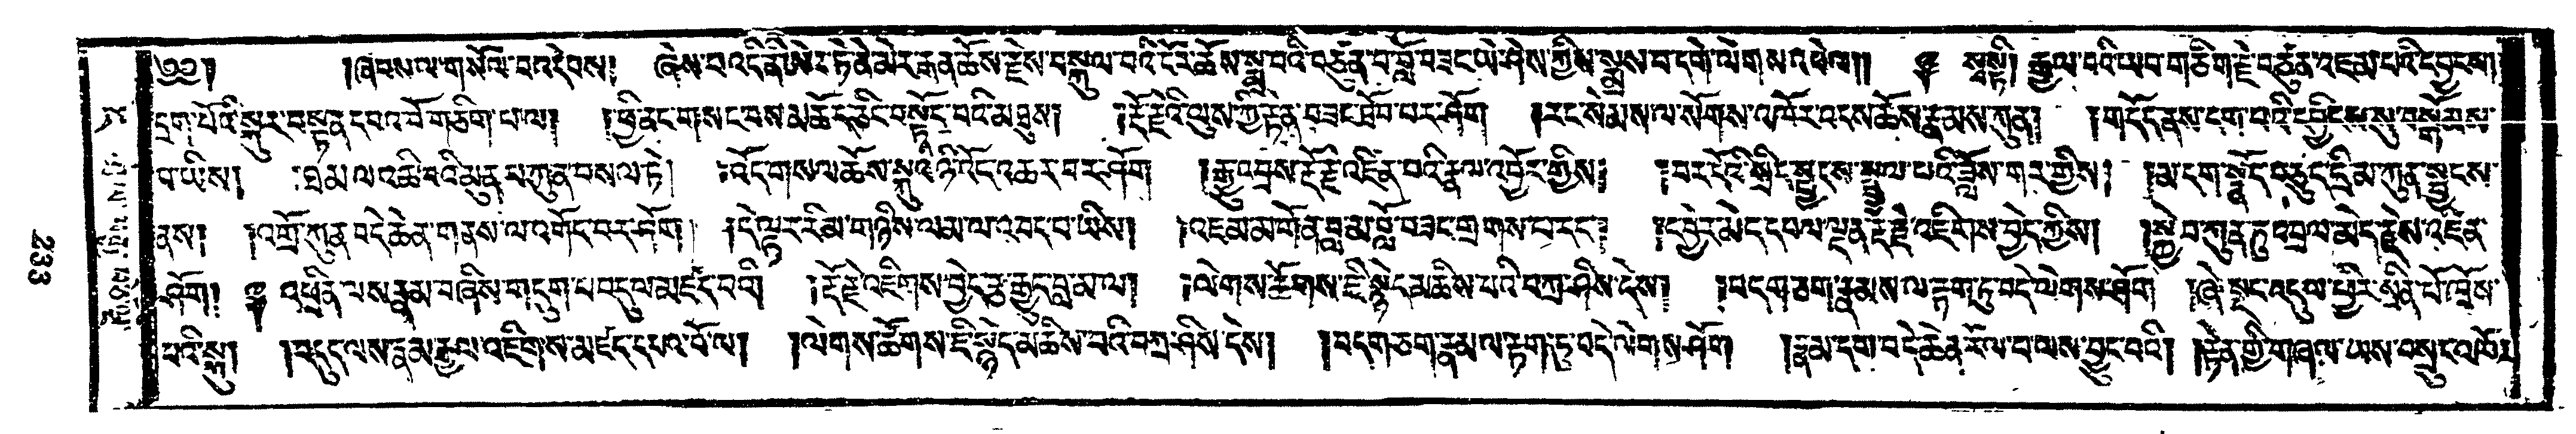༄༅། །ཞབས་ལ་གསོལ་བ་འདེབས། ཞེས་བ་འདི་ནི་ཨེར་ཏེ་ནེ་མེར་རྒན་ཆོས་རྗེས་བསྐུལ་བའི་ངོར་ཆོས་སྨྲ་བའི་བཙུན་བ་བློ་བཟང་ཡེ་ཤེས་ཀྱིས་སྨྲས་བ་དགེ་ལེགས་འཕེལ།། ༈ སྭསྟི། རྒྱལ་བའི་ཡབ་གཅིག་རྗེ་བཙུན་འཇམ་པའི་དབྱངས།
དྲག་པོའི་སྐུར་བསྟན་དབའ་བོ་གཅིག་པ་ལ། །ཕྱི་ནང་གསང་བས་མཆོད་ཅིང་བསྟོད་པའི་མཐུས། །རྡོ་རྗེའི་ལུས་ཀྱི་རྟེན་བཟང་ཐོབ་པར་ཤོག །རང་སེམས་ལ་སོགས་འཁོར་འདས་ཆོས་རྣམས་ཀུན། །གདོད་ནས་དག་བའི་དབྱིངས་སུ་བསྒོམས་
པ་ཡིས། །ཐ་མལ་འཆི་བའི་མུན་པ་ཀུན་བསལ་ཏེ། །འོད་གསལ་ཆོས་སྐུའི་ཉི་འོད་འཆར་བར་ཤོག །རྒྱུ་འབྲས་རྡོ་རྗེ་འཛིན་བའི་རྣལ་འབྱོར་གྱིས། །བར་དོའི་སྲིད་སྦྱངས་སྤྲུལ་པའི་ཟློས་གར་གྱིས། །མ་དག་སྣོད་བཅུད་དྲི་མ་ཀུན་སྦྱངས་
ནས། །འགྲོ་ཀུན་བདེ་ཆེན་གནས་ལ་འགོད་བར་ཤོག །དེ་ལྟར་རིམ་གཉིས་ལམ་ལ་འབད་པ་ཡིས། །འཇམ་མགོན་བླ་མ་བློ་བཟང་གྲགས་པ་དང་། །དབྱེར་མེད་དཔལ་ལྡན་རྡོ་རྗེ་འཇིགས་བྱེད་ཀྱིས། །སྐྱེ་བ་ཀུན་ཏུ་འབྲལ་མེད་རྗེས་འཛིན་
ཤོག། ༈ འཕྲིན་ལས་རྣམ་བཞིས་གདུག་པ་བདུལ་མཛད་བའི། །རྡོ་རྗེ་འཇིགས་བྱེད་རྩ་རྒྱུད་བླ་མ་ལ། །ལེགས་ཚོགས་ཇི་སྙེད་མཆིས་པའི་བཀྲ་ཤིས་དེས། །བདག་ཅག་རྣམས་ལ་རྟག་ཏུ་བདེ་ལེགས་ཤོག །ཞེ་སྡང་འདུལ་ཕྱིར་སྲིན་པོ་ཁྲོས་
པའི་སྐུ། །བདུད་ལས་རྣམ་རྒྱལ་འཇིགས་མཛད་དཔའ་བོ་ལ། །ལེགས་ཚོགས་ཇི་སྙེད་མཆིས་བའི་བཀྲ་ཤིས་དེས། །བདག་ཅག་རྣམ་ལ་རྟག་ཏུ་བདེ་ལེགས་ཤོག །རྣམ་དག་བདེ་ཆེན་རོལ་བ་ལས་བྱུང་བའི། །རྟེན་གྱི་གཞལ་ཡས་བསྲུང་འཁོར་